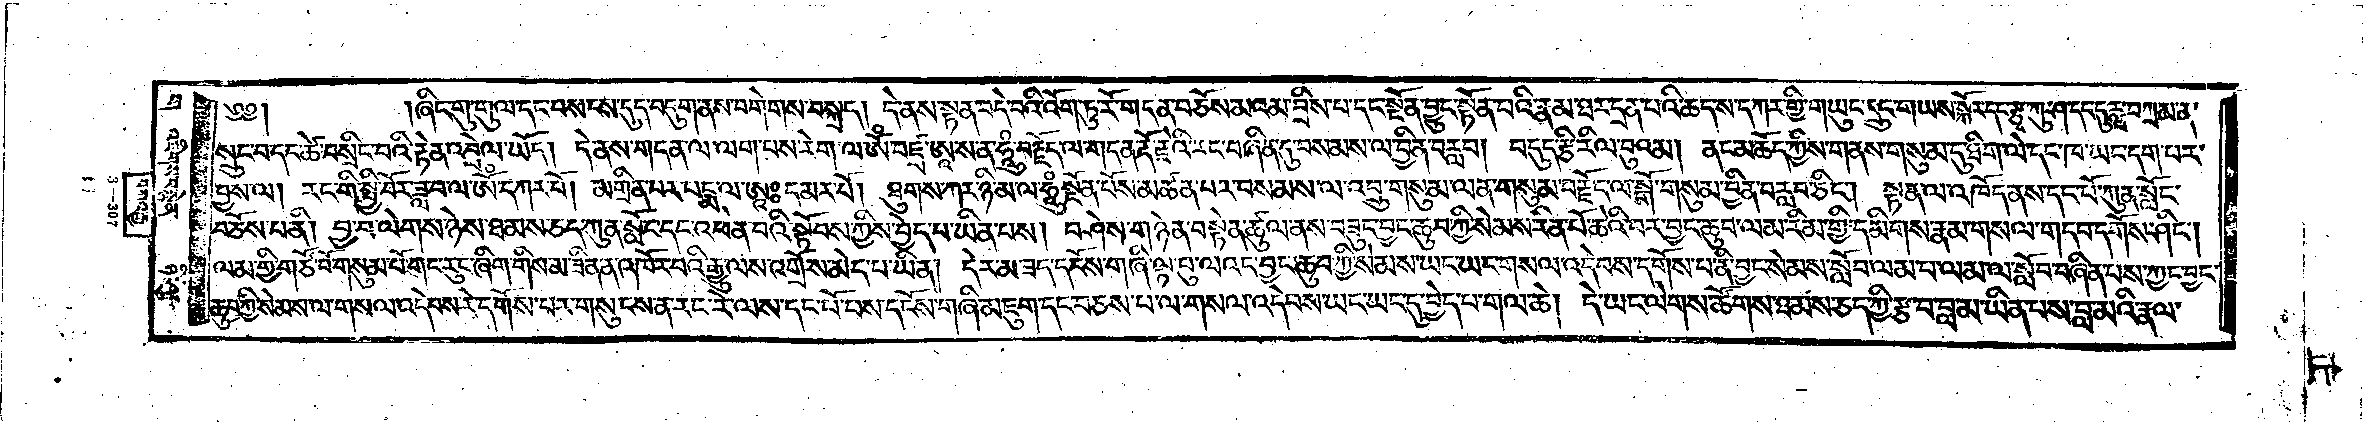༄༅། །ཞིང་གུ་གུལ་དང་བསངས་དུད་བདུག་ནས་བགེགས་བསྐྲད། དེ་ནས་སྟན་བདེ་བའི་འོག་ཏུ་རོ་གདན་བཅོས་མའམ་བྲིས་པ་དང་སྔོན་བྱུང་སྟོན་པའི་རྣམ་ཐར་དྲན་པའི་ཆད་ས་དཀར་གྱི་གཡུང་དྲུང་གཡས་སྐོར་དང་རྩྭ་ཀུ་ཤ་དང་དུརྭ་བཀྲམ་ན་
སྲུང་བ་དང་ཚེ་བསྲིང་བའི་རྟེན་འབྲེལ་ཡོད། དེ་ནས་གདན་ལ་ལག་པས་རེག་ལ་ཨོཾ་བཛྲ་ཨཱ་ས་ན་ཧཱུཾ་བརྗོད་ལ་གདན་རྡོ་རྗེའི་རང་བཞིན་དུ་བསམས་ལ་བྱིན་བརླབ། བདུད་རྩི་རིལ་བུའམ། ནང་མཆོད་ཀྱིས་གནས་གསུམ་དུ་ཐིག་ལེ་དང་ཁ་ཡང་དག་པར་
བྱས་ལ། རང་གི་སྤྱི་བོར་ཟླ་བ་ལ་ཨོཾ་དཀར་པོ། མགྲིན་པར་པདམ་ལ་ཨཱཿ དམར་པོ། ཐུགས་ཀར་ཉི་མ་ལ་ཧཱུཾ་སྔོན་པོས་མཚན་པར་བསམས་ལ་འབྲུ་གསུམ་ལན་གསུམ་བརྗོད་ལ་སྒོ་གསུམ་བྱིན་བརླབ་ཅིང་། སྟན་ལ་འཁོད་ནས་དང་པོ་ཀུན་སློང་
བཅོས་པ་ནི། བྱ་བ་ལེགས་ཉེས་ཐམས་ཅད་ཀུན་སློང་དང་འཕེན་པའི་སྟོབས་ཀྱིས་བྱེད་པ་ཡིན་པས། བཤེས་གཉེན་བསྟེན་ཚུལ་ནས་བཟུང་བྱང་ཆུབ་ཀྱི་སེམས་རིན་པོ་ཆེའི་བར་བྱང་ཆུབ་ལམ་རིམ་གྱི་དམིགས་རྣམ་གསལ་གདབ་དགོས་ཤིང་།
ལམ་གྱི་གཙོ་བོ་གསུམ་པོ་གང་རུང་ཞིག་གིས་མ་ཟིན་ན་འཁོར་བའི་རྒྱུ་ལས་འགྲོས་མེད་པ་ཡིན། དེར་མ་ཟད་དངོས་གཞི་ལྟ་བུ་ལའང་བྱང་ཆུབ་ཀྱི་སེམས་ཡང་ཡང་གསལ་འདེབས་དགོས་པ་ནི་བྱང་སེམས་སློབ་ལམ་པ་ལམ་ལ་སློབ་བཞིན་པས་ཀྱང་བྱང་
ཆུབ་ཀྱི་སེམས་ལ་གསལ་འདེབས་རེ་དགོས་པར་གསུངས་ན་རང་རེ་ལས་དང་པོ་བས་དངོས་གཞི་མཇུག་དང་བཅས་པ་ལ་གསལ་འདེབས་ཡང་ཡང་དུ་བྱེད་པ་གལ་ཆེ། དེ་ཡང་ལེགས་ཚོགས་ཐམས་ཅད་ཀྱི་རྩ་བ་བླ་མ་ཡིན་པས་བླ་མའི་རྣལ་